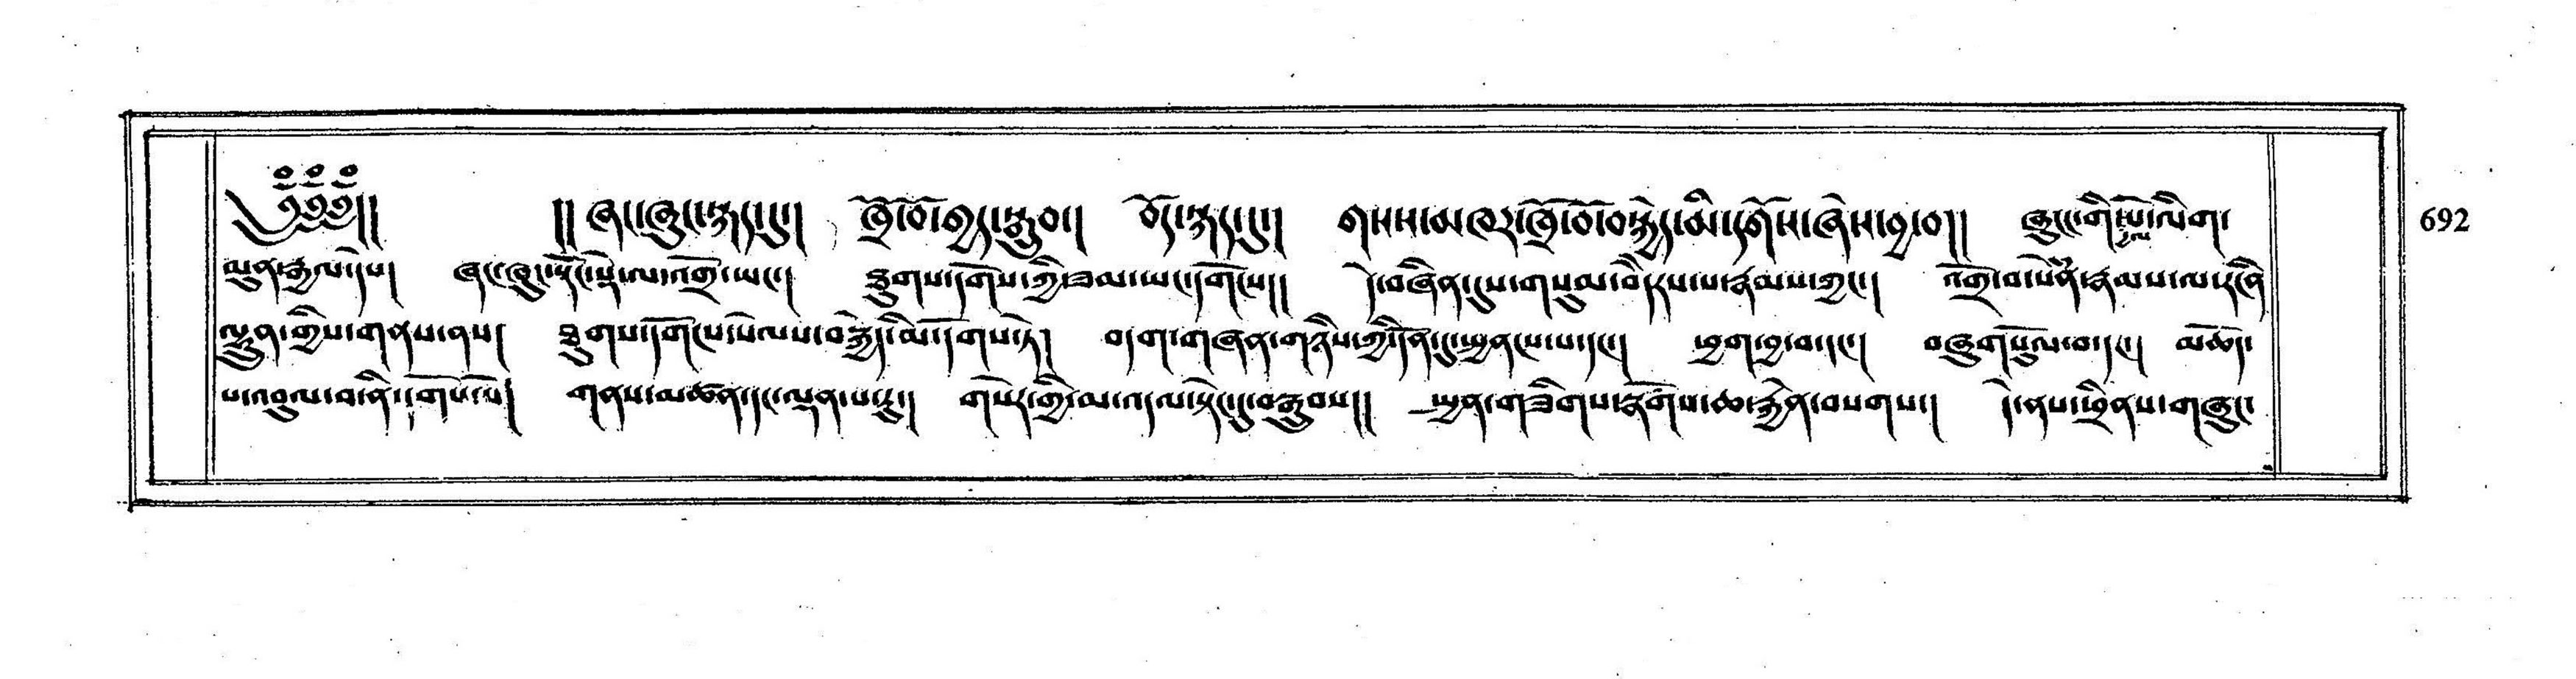༄༅༅།། །།ཞང་ཞུང་སྐད་དུ། ཁྲོ་བོ་གྱད་སྒྲུབ། བོད་སྐད་དུ། གསས་མཁར་ཁྲོ་བོ་བསྐྱེད་མི་དགོས་ཞེས་བྱ་བ།། ཞང་ཞུང་གི་རྒྱལ་པོ་ལིག་
མུན་རྒྱལ་དེས། ཞང་ཞུང་སྟོང་སྡེ་ལ་འགྲོ་ཡང་། ཐུགས་དགོས་ཀྱི་ཟམ་ཡང་དགོངས།། དེ་བཞིན་དུས་གསུམ་བདེ་བར་གཤེགས་པ་རྣམས་ཀྱང་། འགྲོ་བ་སེམས་ཅན་རྣམས་ལ་རང་བཞིན་
ལྷུན་གྲུབ་གྱིས་གནས་ནས། ཐུགས་དགོངས་སེམས་བསྐྱེད་མི་དགོས་ཏེ། བདག་གཞན་གཉིས་ཀྱི་དོན་དུ་སྤྱན་དྲངས་པ་དང་། ཕྱག་བྱ་བ་དང་། བཞུགས་སུ་གསོལ་བ་དང་། མཆོད་
པ་འབུལ་བ་ནི་དགོས་སོ། གནས་མཚན་དང་ལྡན་པ་རུ། གསེར་གྱི་མ་འདལ་སྟེང་དུ་བསྒྲུབས།། སྤྱན་གཟིགས་སྣ་ཚོགས་ཆ་རྐྱེན་བསགས། དེ་ནས་ཕྲིན་ལས་གཞུང་